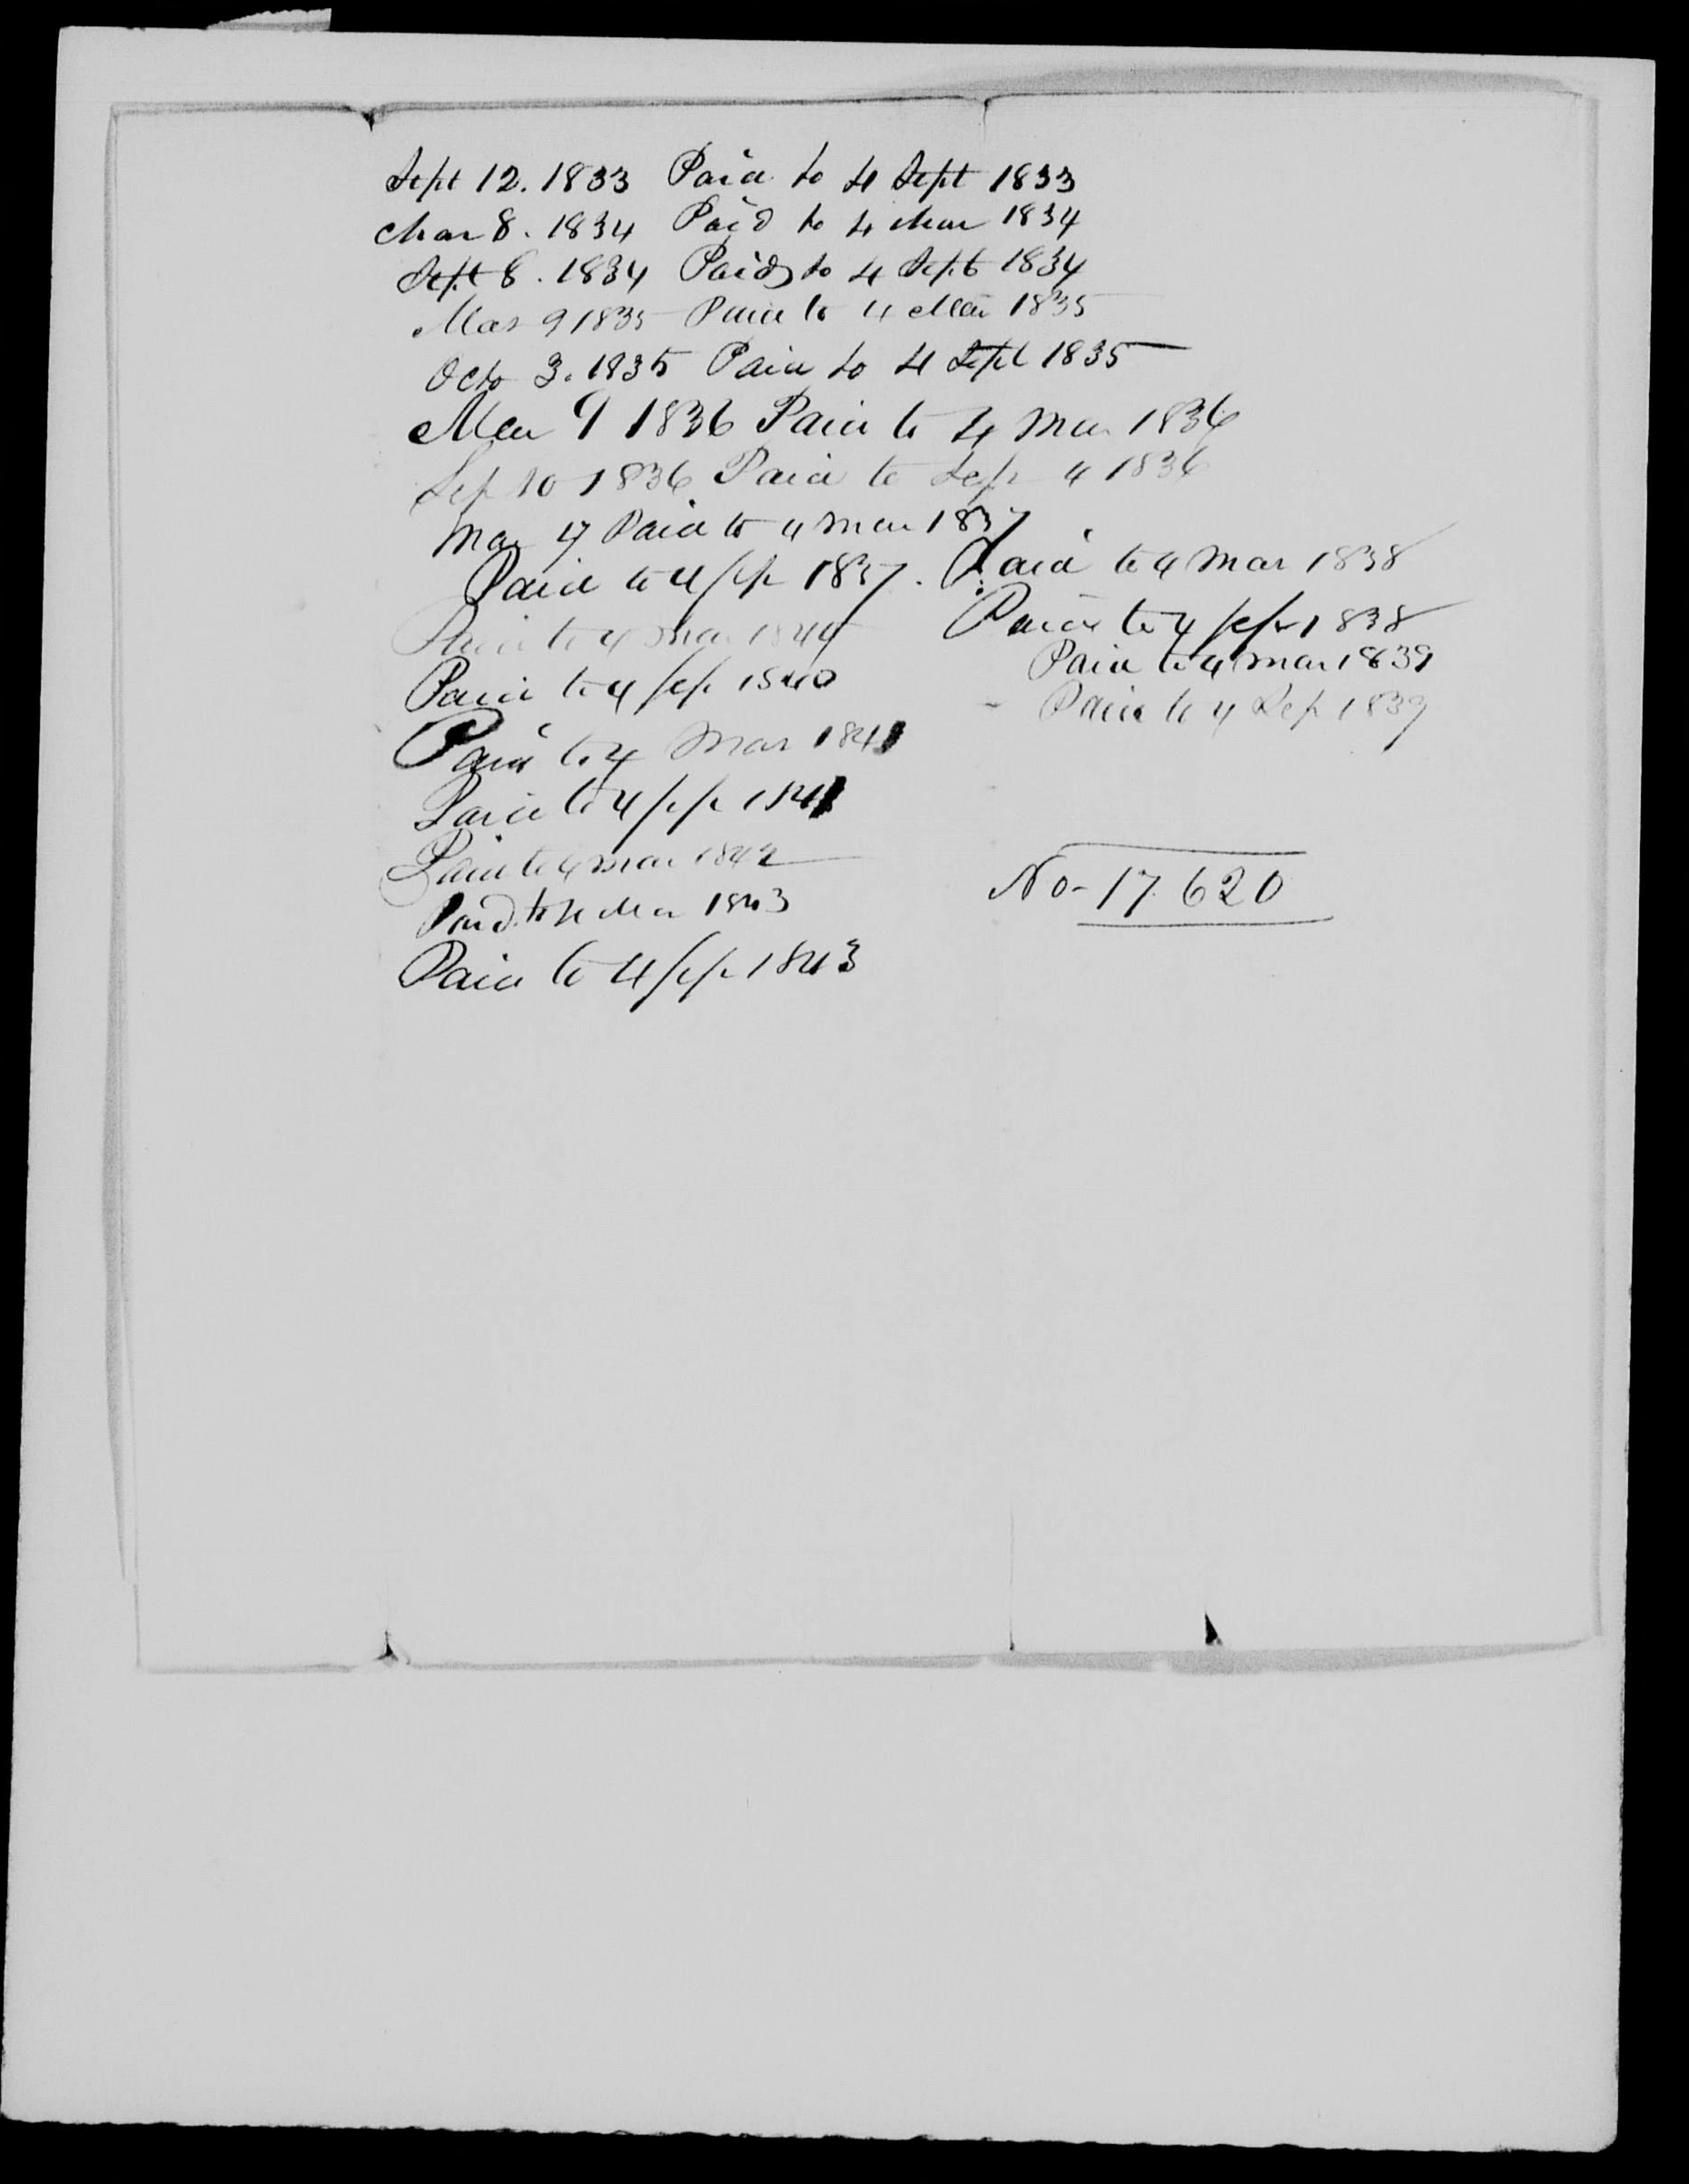Sept 12. 1833 Paid to 4 Sept 1833
Chas 8, 1834 Paid to 4 Mar 1834
Sept. 1834 Paid to 4 Sept 1834
Mar 9 1835 Paid to 4 Mar 1835
Oct 3. 1835 Paid to 4 Sept 1835
A D 1836 Paid to 4 Mar 1836
Sep 10 1836 paid to Sept 4 1836
May 17 Paid to 4 Mar 187
Paid to up 1837. Paid to 4 Mar 1838
Paid the 1840 Paid to 4 Sep 1838
Paid to 4 Sep 1840 Paid to 4 Mar 1839
Paid to 4 Mar 1845 Paid to 4 Sep 1839
Paid to 4 Mar 1841
Paid to 4 [illegible] 1841
Paid to 4 Mar 1842
Paid to 4 Mar 1843
Paid to 4 [illegible] 1843
No-17620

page: 24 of 28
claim: survivor's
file: S 2464, John Conklin, New Jersey